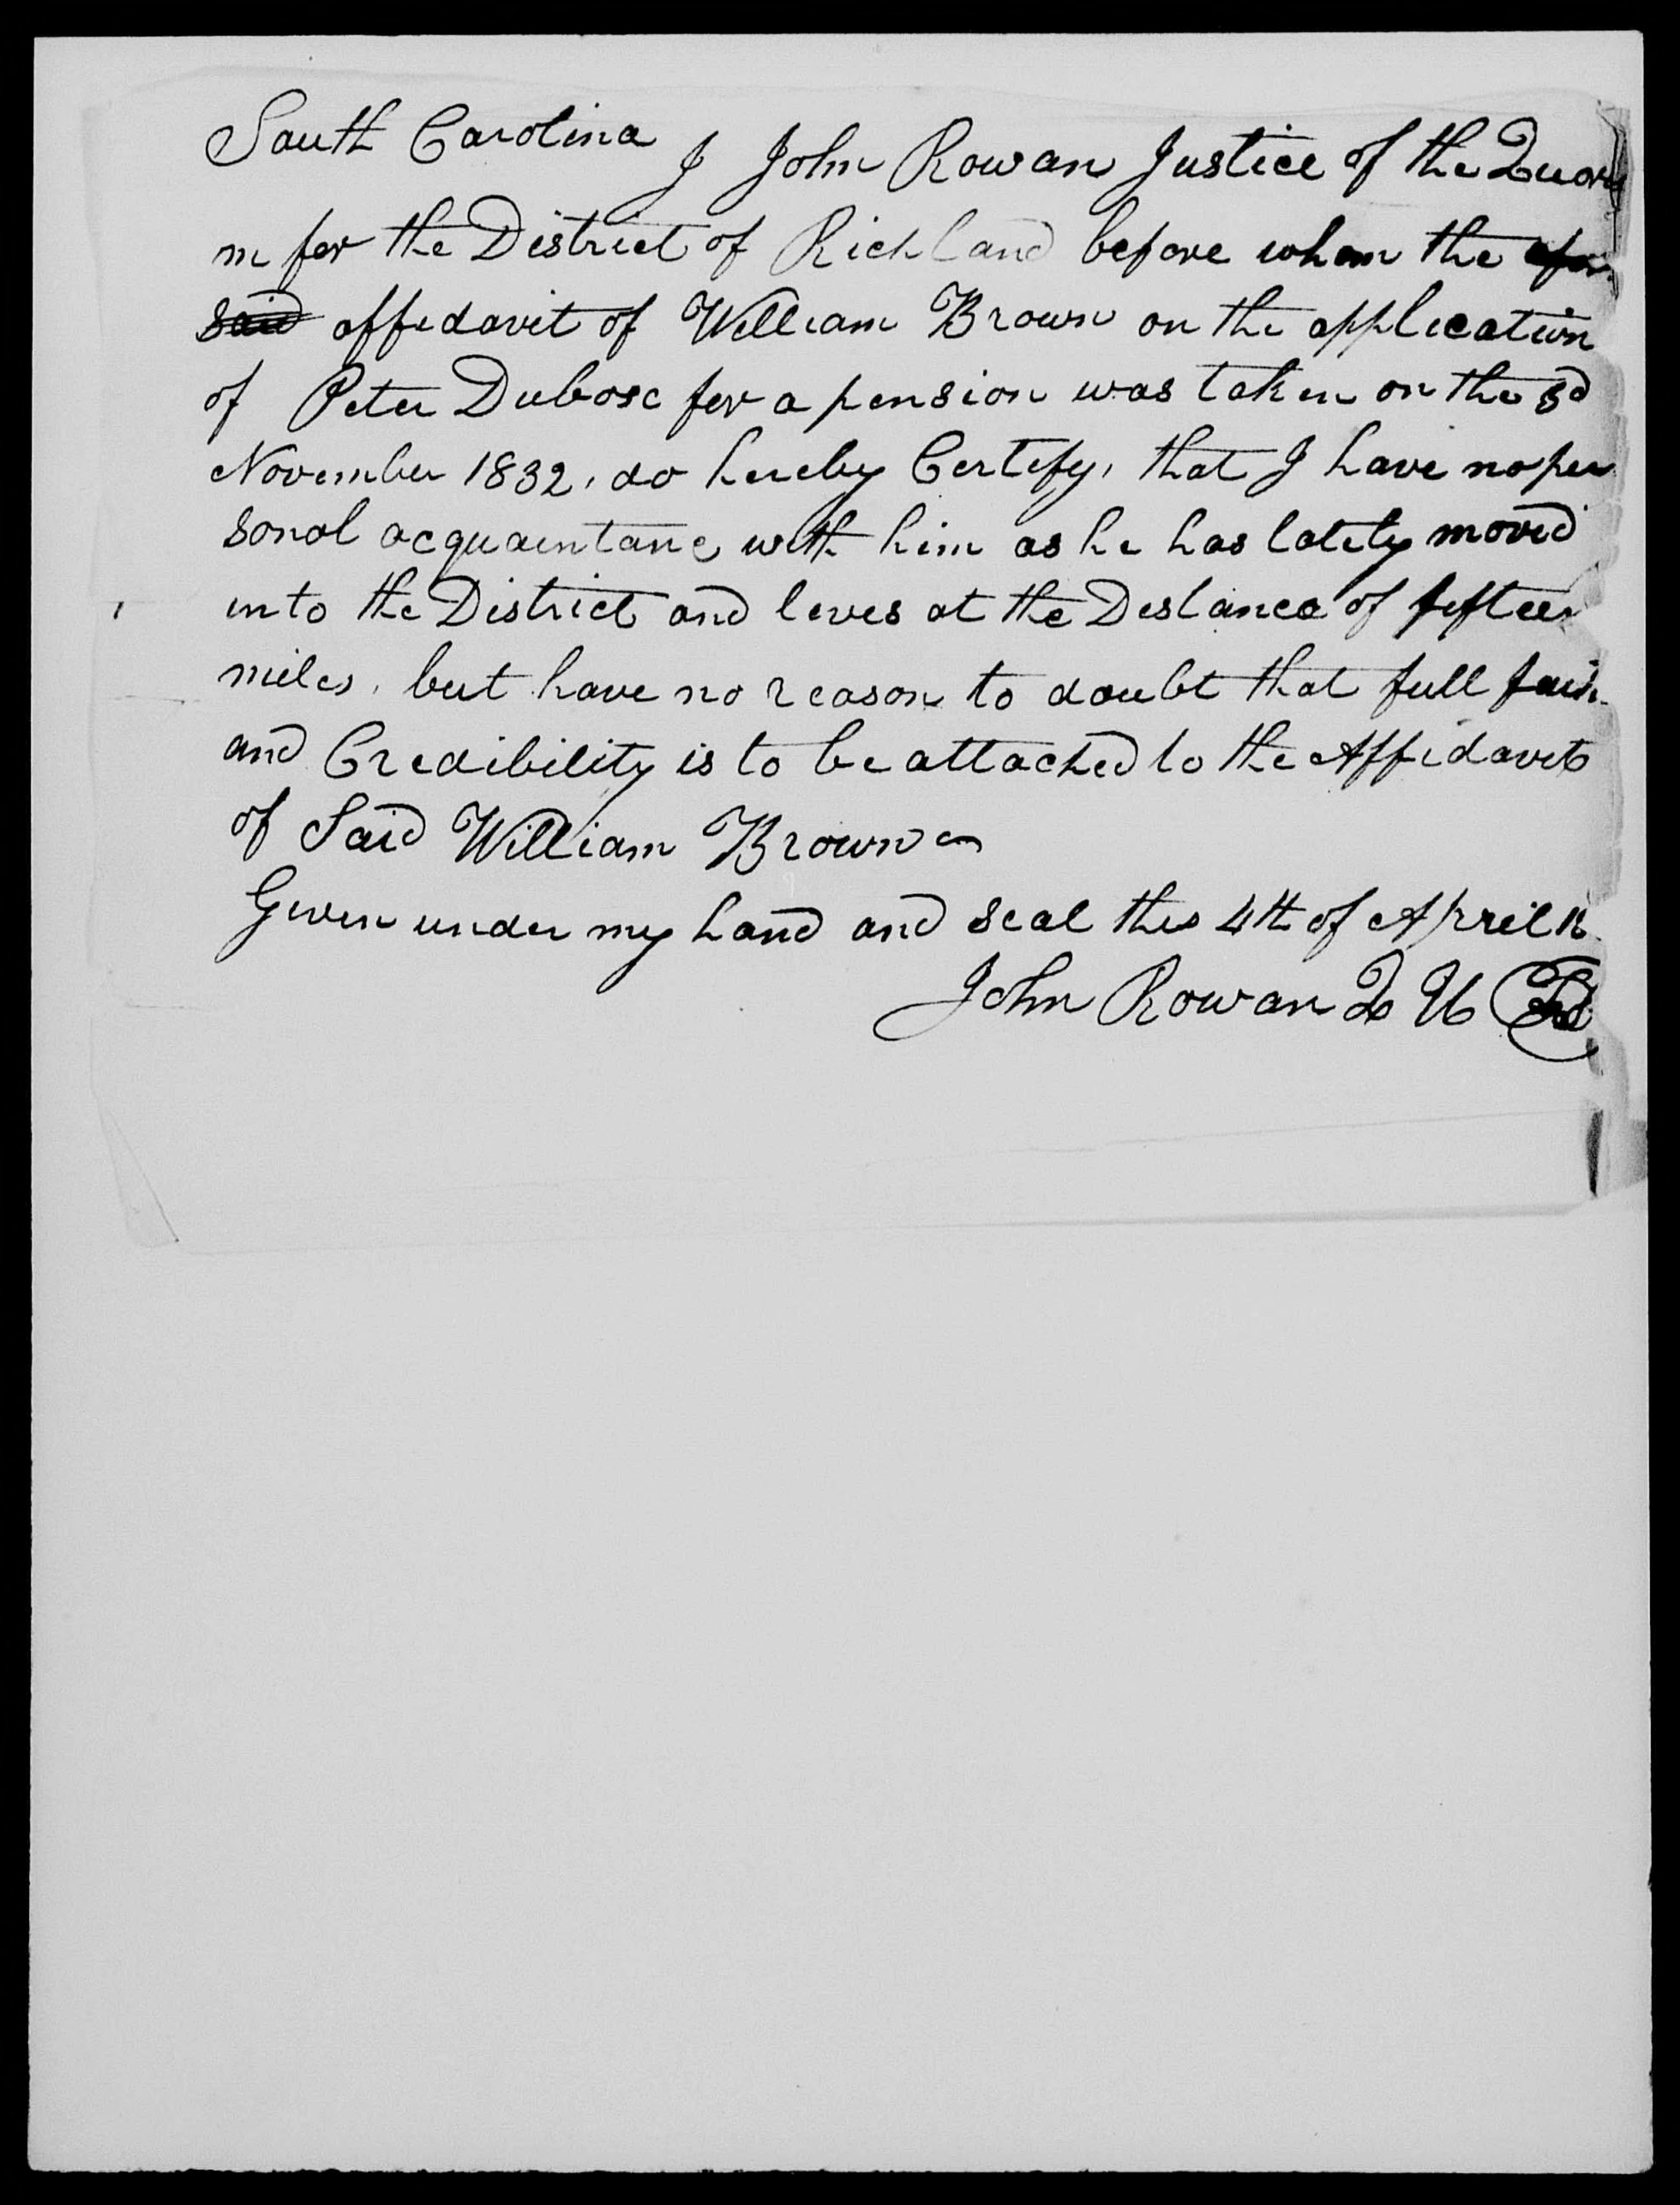[ South Carolina ] I John Rowan Justice of the Quorum for the District of Richland before whom the  affidavit of William Brown  on the application of Peter Dubose for a pension was taken on the 3rd November 1832, do hereby certify that I have  no personal acquaintance with him as he has lately moved into the District and lives at the distance of fifteen miles, but have no reason to doubt that full faith and credibility  is to be attached to the affidavit of said William Brown. Given under my hand and seal this 4th of April  . John Rowan ( signed / sealed ) QU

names: William Brown, John Rowan, William Brown, Peter Dubose, John Rowan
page: 19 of 43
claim: survivor's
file: S. 21163, Peter Dubose, S.C.